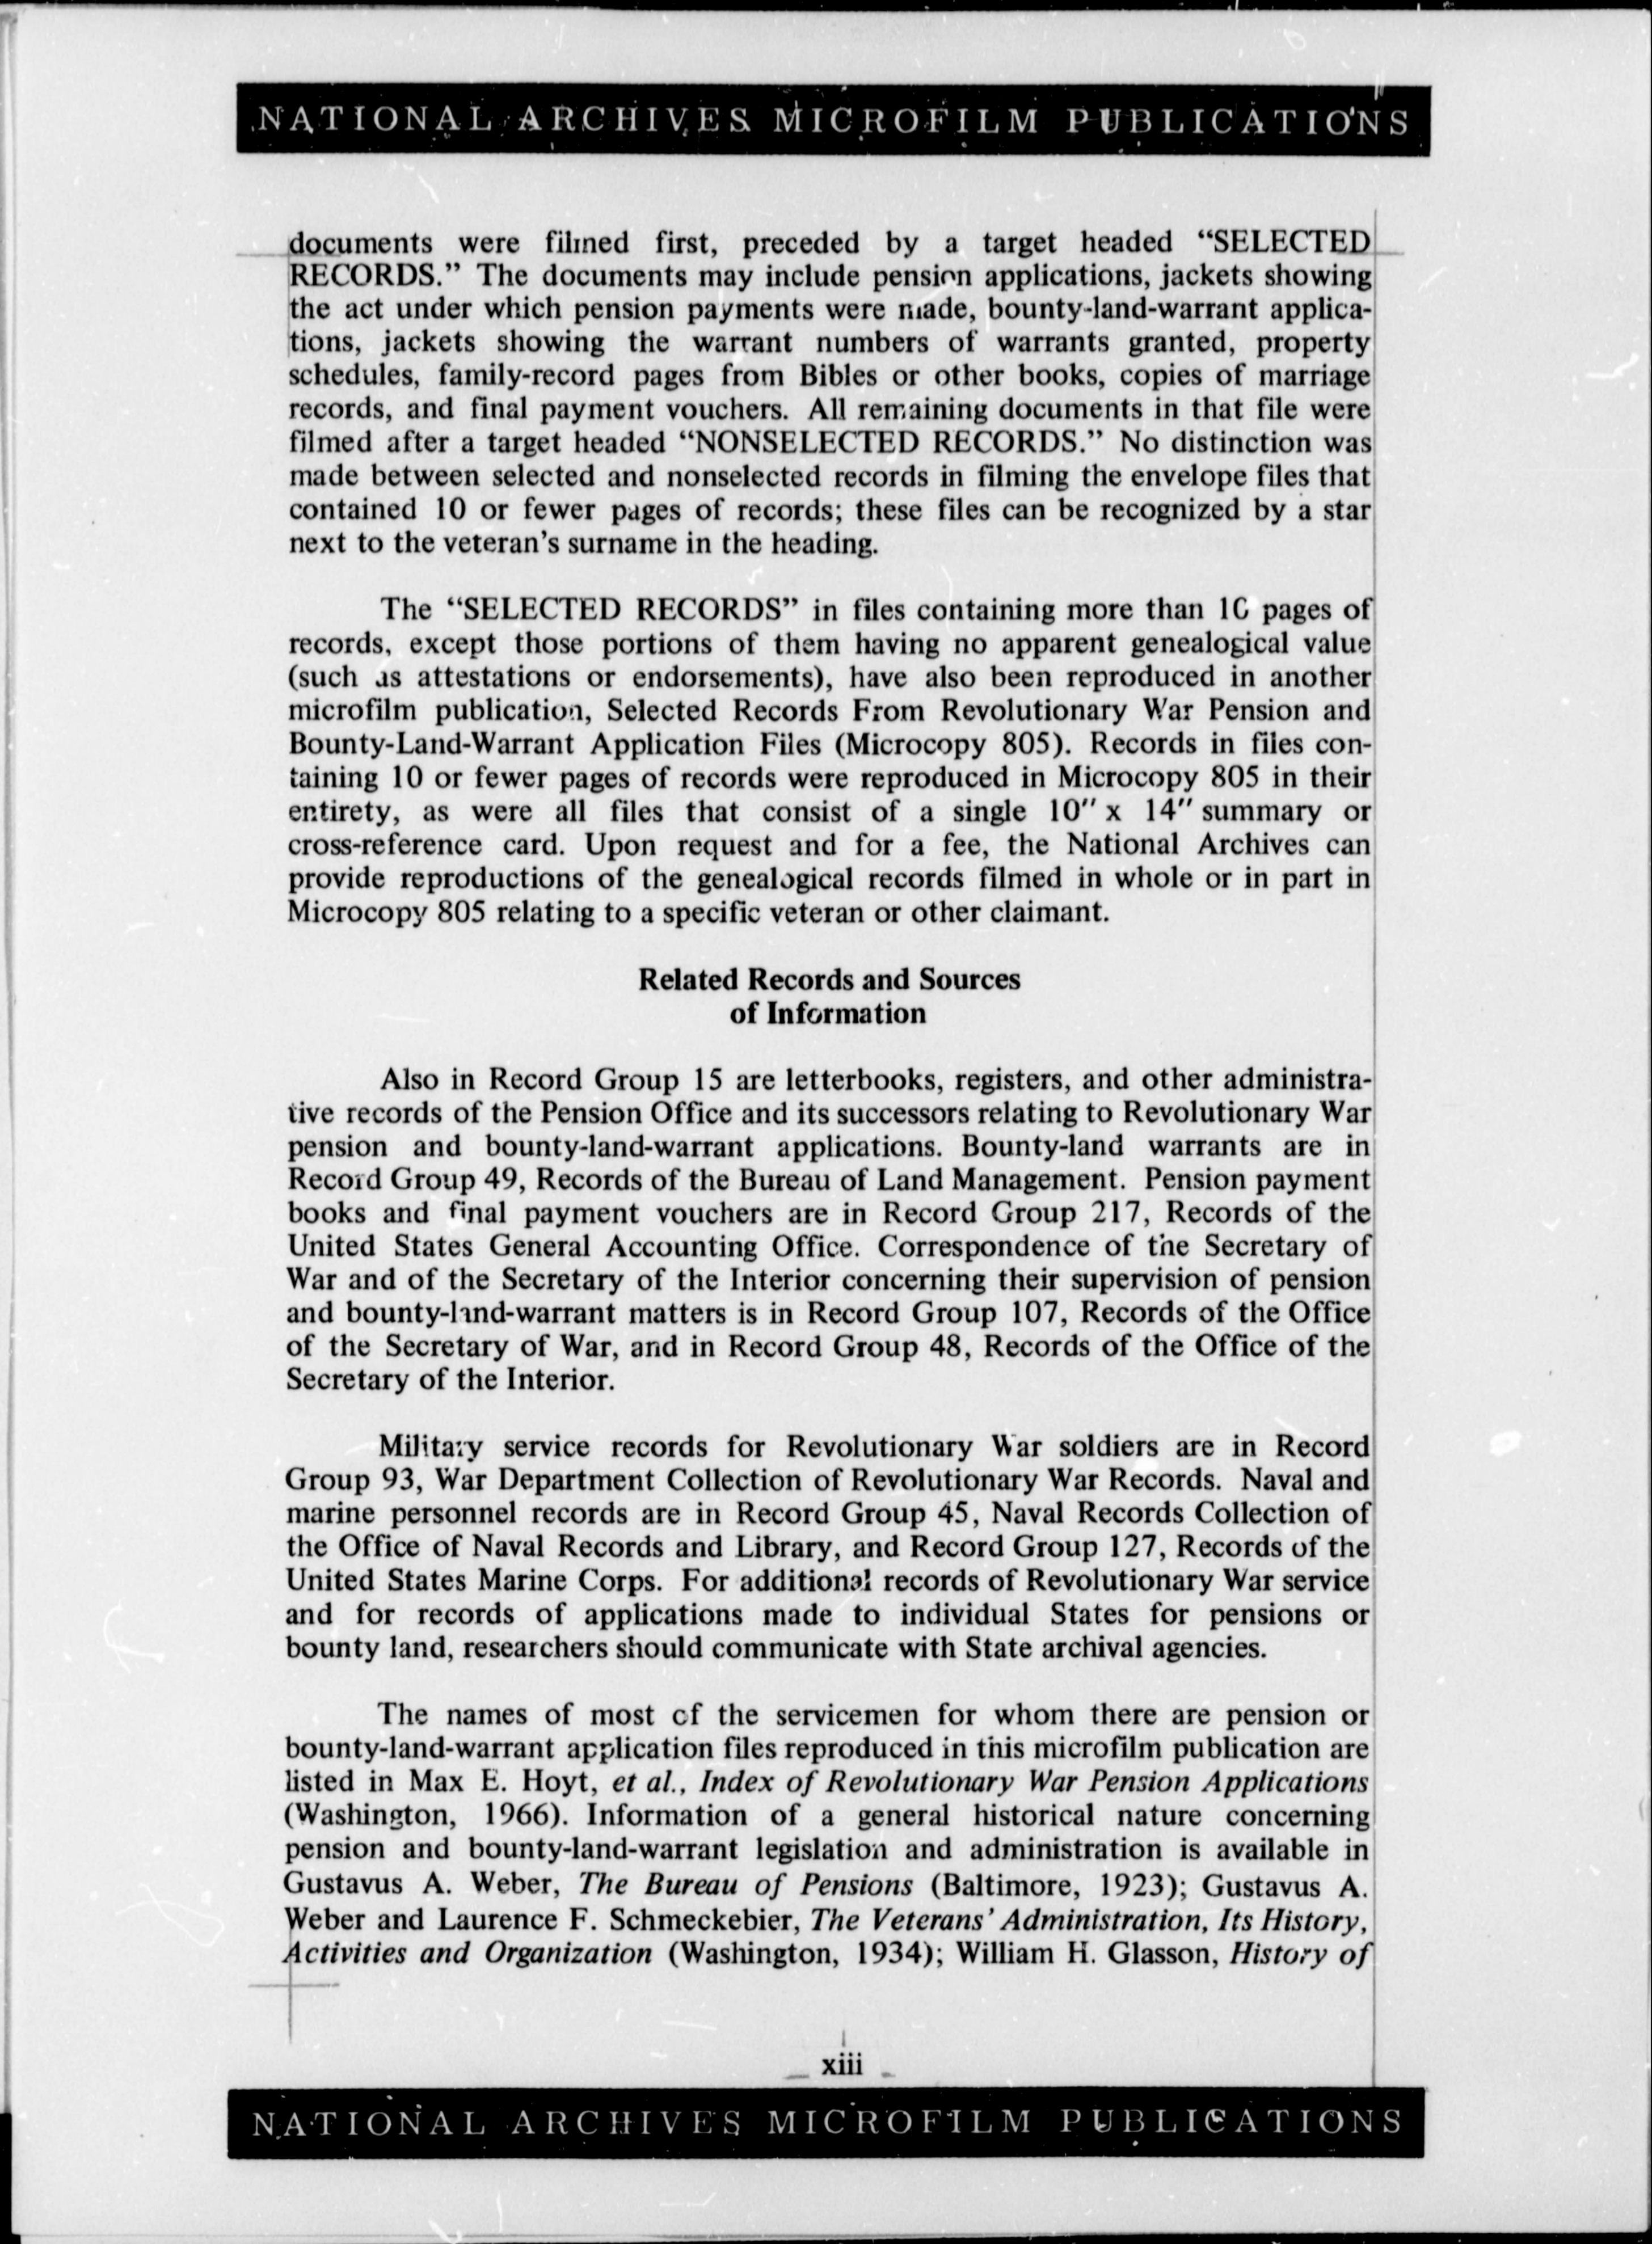NATIONAL ARCHIVES MICROFILM PUBLICATIONS

documents are filmed first, preceded by a target headed "SELECTED RECORDS." The documents may include pension applications, jackets showing the act under which pension payments were made, bounty-land-warrant applications, jackets showing the warrant numbers of warrants granted, property schedules, family-record pages from Bibles or other books, copies of marriage records, and final payment vouchers. All remaining documents in that file were filmed after a target headed 'NONSELECTED RECORDS." No distinction was made between selected and nonselected records in filming the envelope files that contained 10 or fewer pages of records; these files can be recognized by a star next to the veteran's surname in the heading.

The "SELECTED RECORDS" in files containing more than 10 pages of records, except those portions of them having no apparent genealogical value (such as attestations or endorsements), have also been reproduced in another microfilm publication, Selected Records From Revolutionary War Pension and Bounty-Land-Warrant Application Files (Microcopy 805). Records in files containing 10 or fewer pages of records were reproduced in Microcopy 805 in their entirety, as were all files that consist of a single 10" x 14" summary or cross-reference card. Upon request and for a fee, the National Archives can provide reproductions of the genealogical records filmed in whole or in part in Microcopy 805 relating to a specific veteran or other claimant.

Related Records and Sources of Information

Also in Record Group 15 are letterbooks, registers, and other administrative records of the Pension Office and its successors relating to Revolutionary War pension and bounty-land-warrant applications. Bounty-land warrants are in Records Group 49, Records of the Bureau of Land Management. Pension payment books and final payment vouchers are in Record Group 217, Records of the United States General Accounting Office. Correspondence of the Secretary of War and of the Secretary of the Interior concerning their supervision of pension and bounty-land-warrant matters in in Record Group 107, Records of the Office of the Secretary of War, and in Record Group 48, Records of the Office of the Secretary of the Interior.

Military service records for Revolutionary War soldiers are in Record Group 93, War Department Collection of Revolutionary War Records. Naval and marine personnel records are in Record Group 45, Naval Records Collection of the Office of Naval Records and Library, and Record Group 127, Records of the United States Marine Corps. For additional records of Revolutionary War service and for records of applications made to individual States for pensions or bounty land, researchers should communicate with State archival agencies.

The names of most of the servicemen for whom there are pension or bounty-land-warrant application files reproduced in this microfilm publication are listed in Max E. Hoyt, et al., Index of Revolutionary War Pension Applications (Washington, 1966). Information of a general historical nature concerning pension and bounty-land-warrant legislation and administration is available in Gustavus A. Weber, The Bureau of Pensions (Baltimore, 1923); Gustavus A. Weber and Laurence F. Schmeckebier, The Veterans' Administration, Its History, Activities and Organization (Washington, 1934); William H. Glasson, History of

NATIONAL ARCHIVES MICROFILM PUBLICATIONS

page: 13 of 61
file: Revolutionary War Pension and Bounty Land Warrant Application File